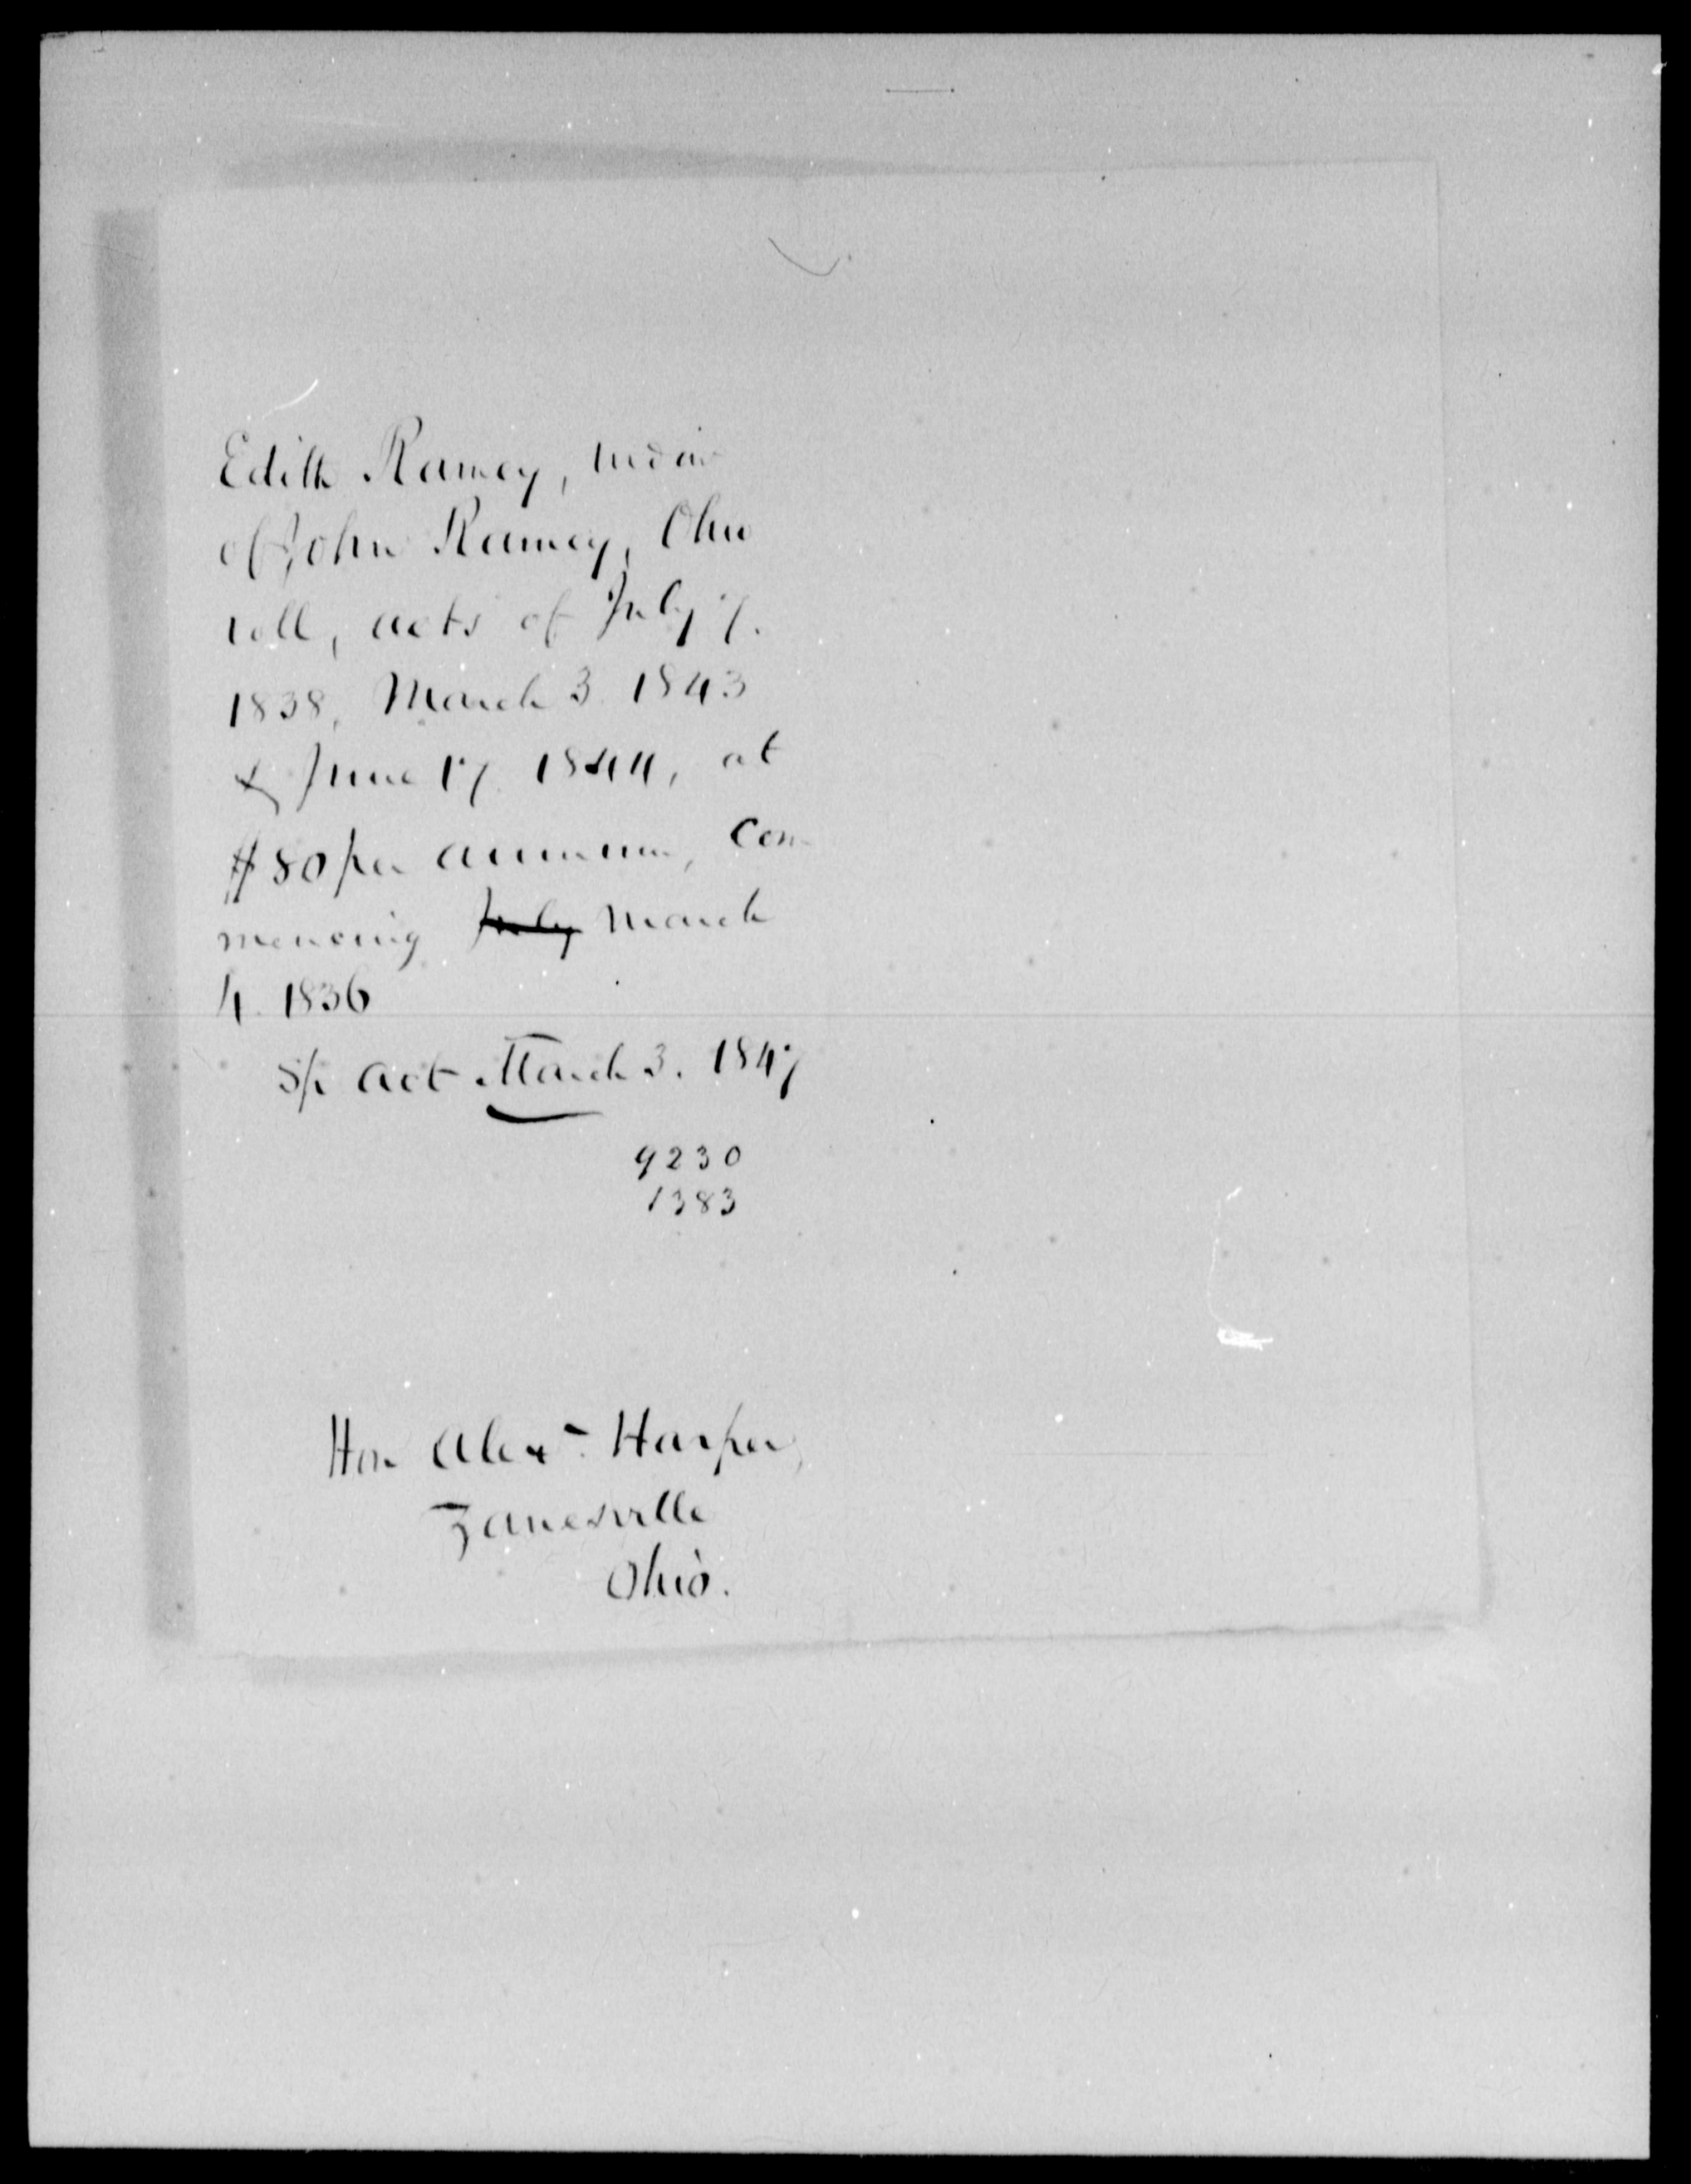Edith Ramey, widow
of John Ramey, Ohio
roll, acts of July 7,
1838, March 3 1843
& June 17 1844, at
$80 per annum, commencing
March 4 1836
Sp Act March 3, 1847
9230
1383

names: Alexr Harper; Edith Ramey; John Ramey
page: 36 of 84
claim: widow's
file: W.11104, for John Remay, Virginia